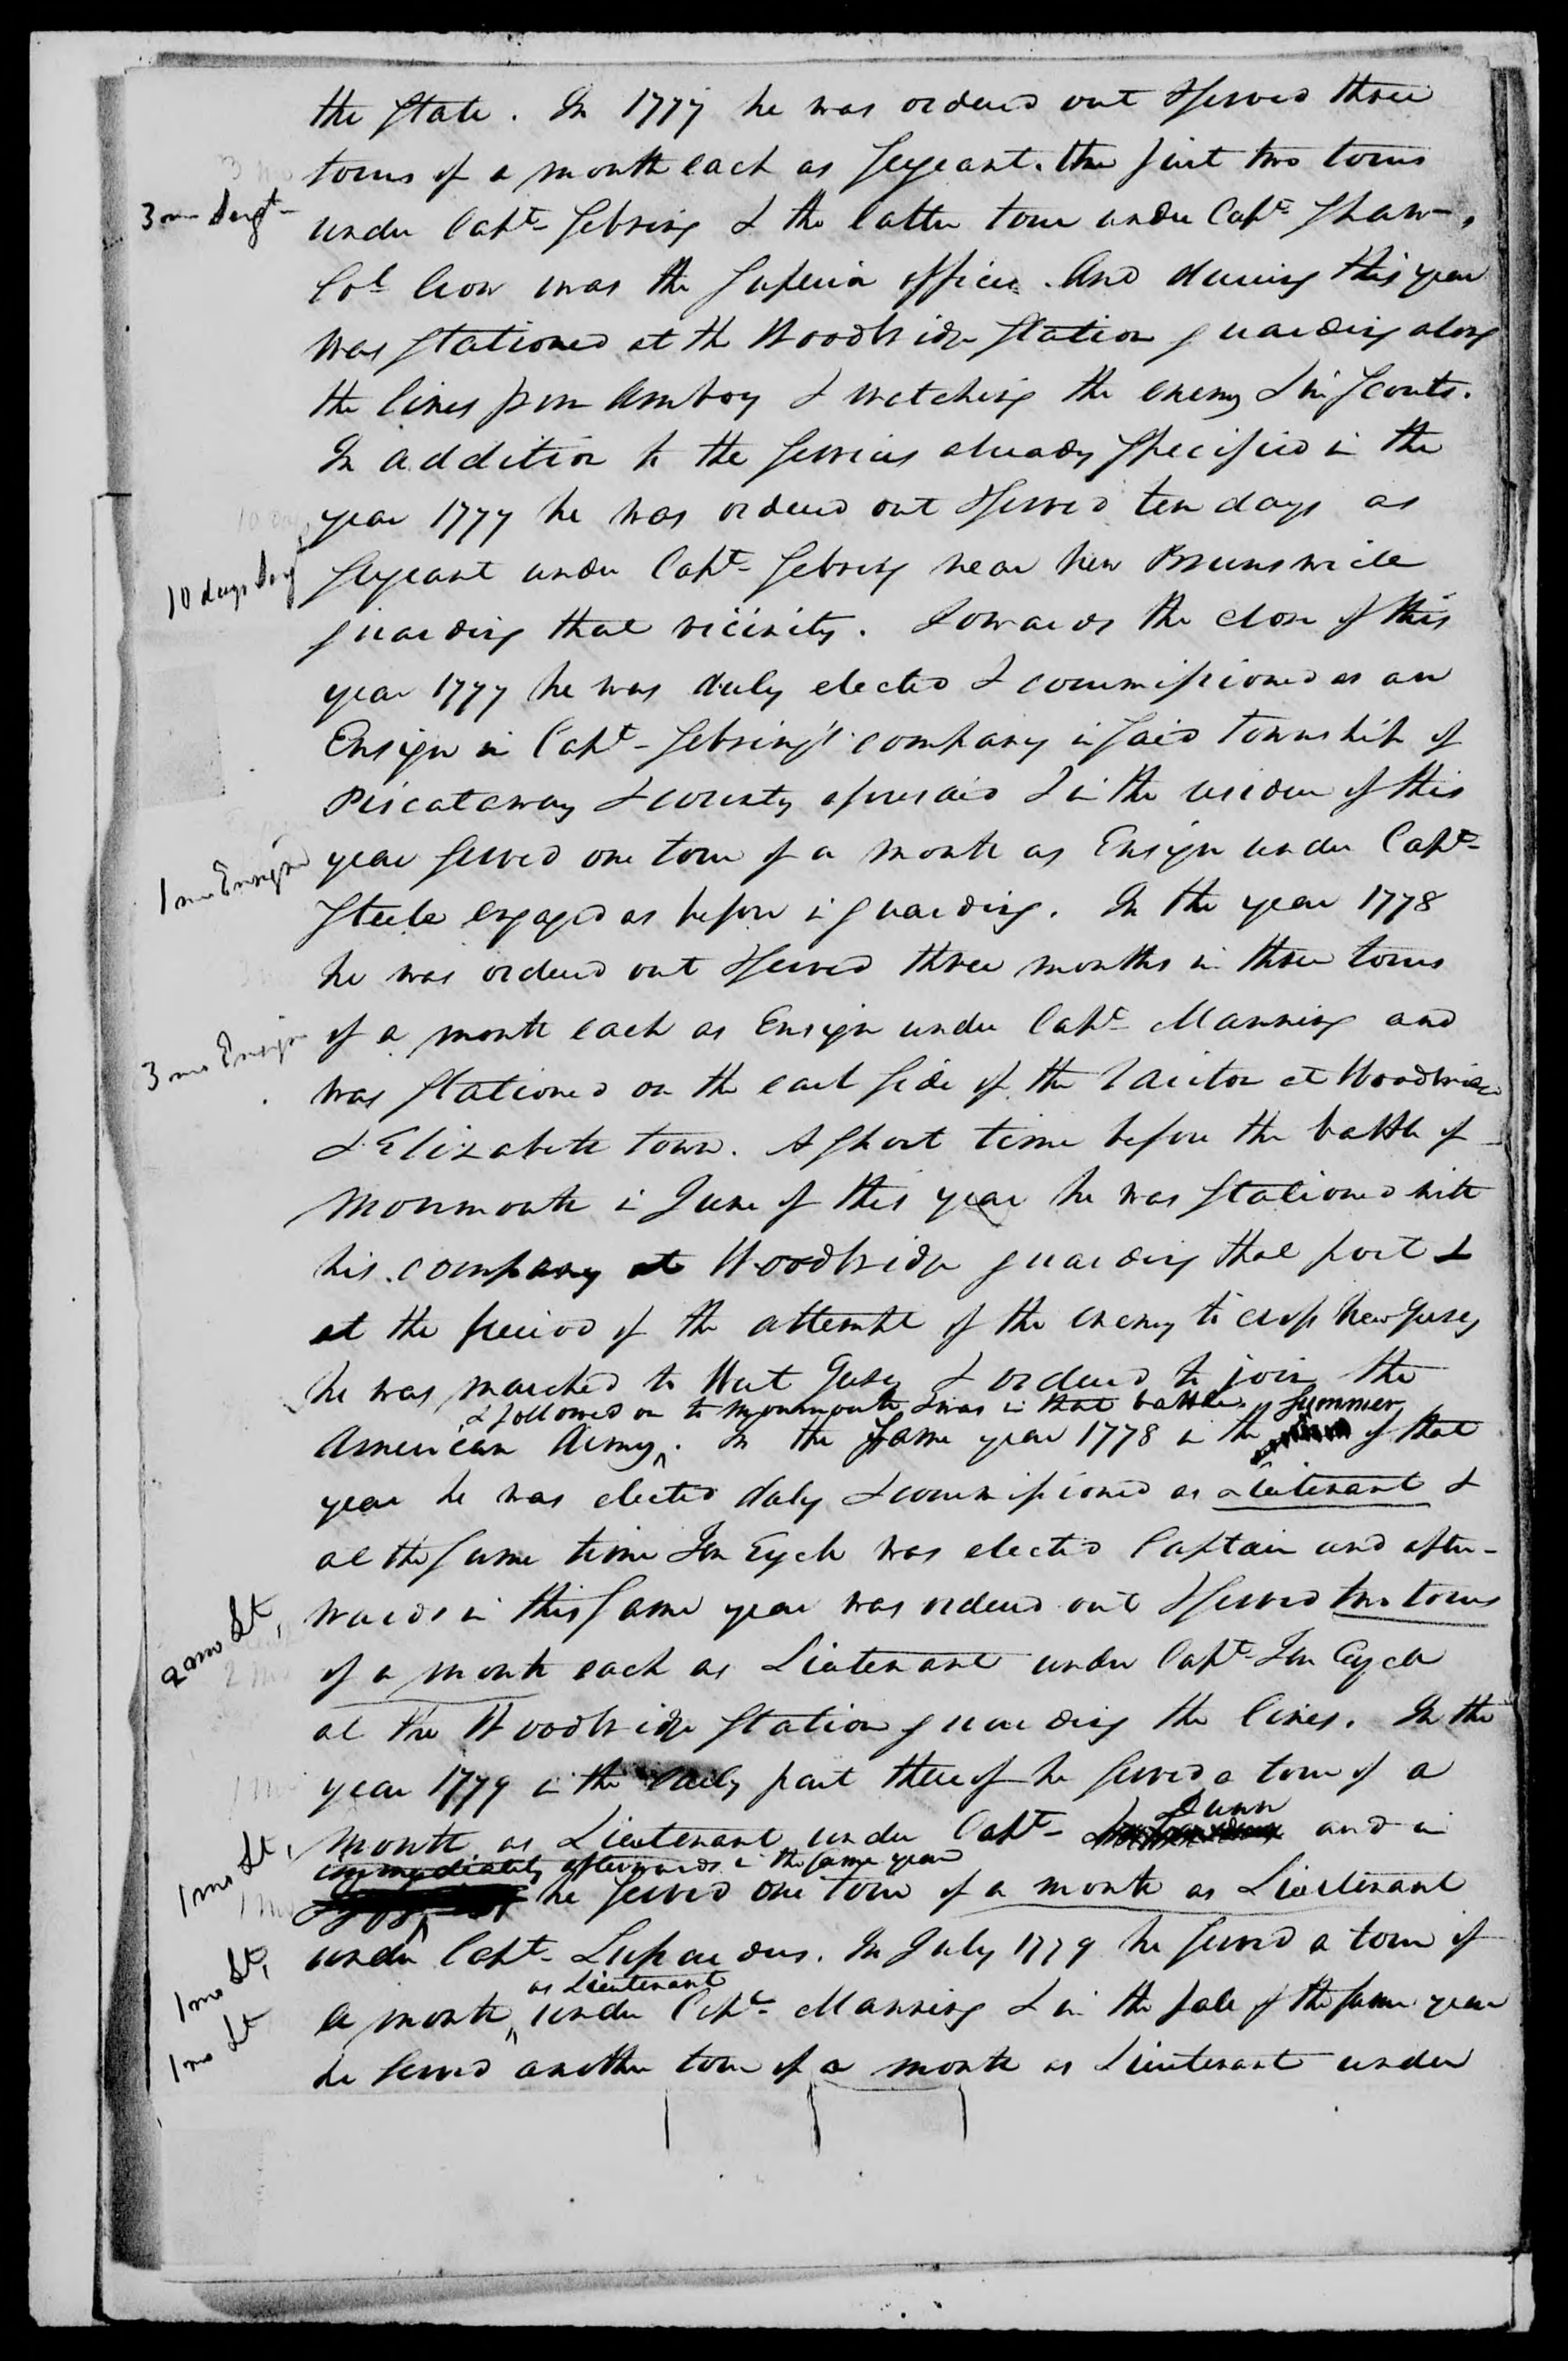the state. In 1777 he was ordered out + served three tours of a month each as sergeant. the first two tours under Capt Sebring + the latter tour under Capt Shaw, Col Crow was the superior officer. and during this year was stationed at the 
Woodbridge Station guarding along the lines from Amboy + watching the enemy + in scouts. In addition to the services already specified in the year 1777 he was ordered out + served ten days as sergeant under Capt Sebring near New Brunswick guarding that vicinity.  Towards the close of this year 1777 he was duly elected + commissioned as an Ensign in Capt Sebring's company in said township of Piscataway + county aforesaid + in the [ illegible] of this year served one tour of a month as Ensign under Capt Steele engaged as before in guarding.  In the year 1778 he was ordered out + served three months in three tours of a month each as Ensign under Capt Manning and was stationed on the east side of the [ illegible ] at Woodbridge + Elizabeth town. A short time before the battle of Monmouth in June of this year he was stationed with his company at Woodbridge guarding the fort + at the period of the attempt of the enemy to cross New Jersey, he was marched to [ illegible ] + ordered to join the American Army + followed on to Monmouth + was in that battle.  In the same year 1778 in the summer of that year he was elected duly + commissioned as lieutenant + at the same time Ten Eych was elected to Captain and afterward in this same year was ordered out + served two tours of a month each as Lieutenant under Capt Ten Eych at the Woodbridge Station guarding the lines. In the year 1779 in the early part thereof he served a tour of a month as Lieutenant under Capt. Dunn and immediately afterwards in the same year he served one tour of a month as Lieutenant under Capt. Lupardus. In July 1779 he served a tour of a month as lieutenant under Capt. Manning + in the fall of the same year he served another tour of a month as lieutenant under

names: Sebring, Ten Eyck, Crow, Sebring, Manning, Manning, Dunn, Lupardus, Steele, Ten Eyck, Shaw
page: 7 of 77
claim: widow's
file: W. 417, William De Groot, New Jersey